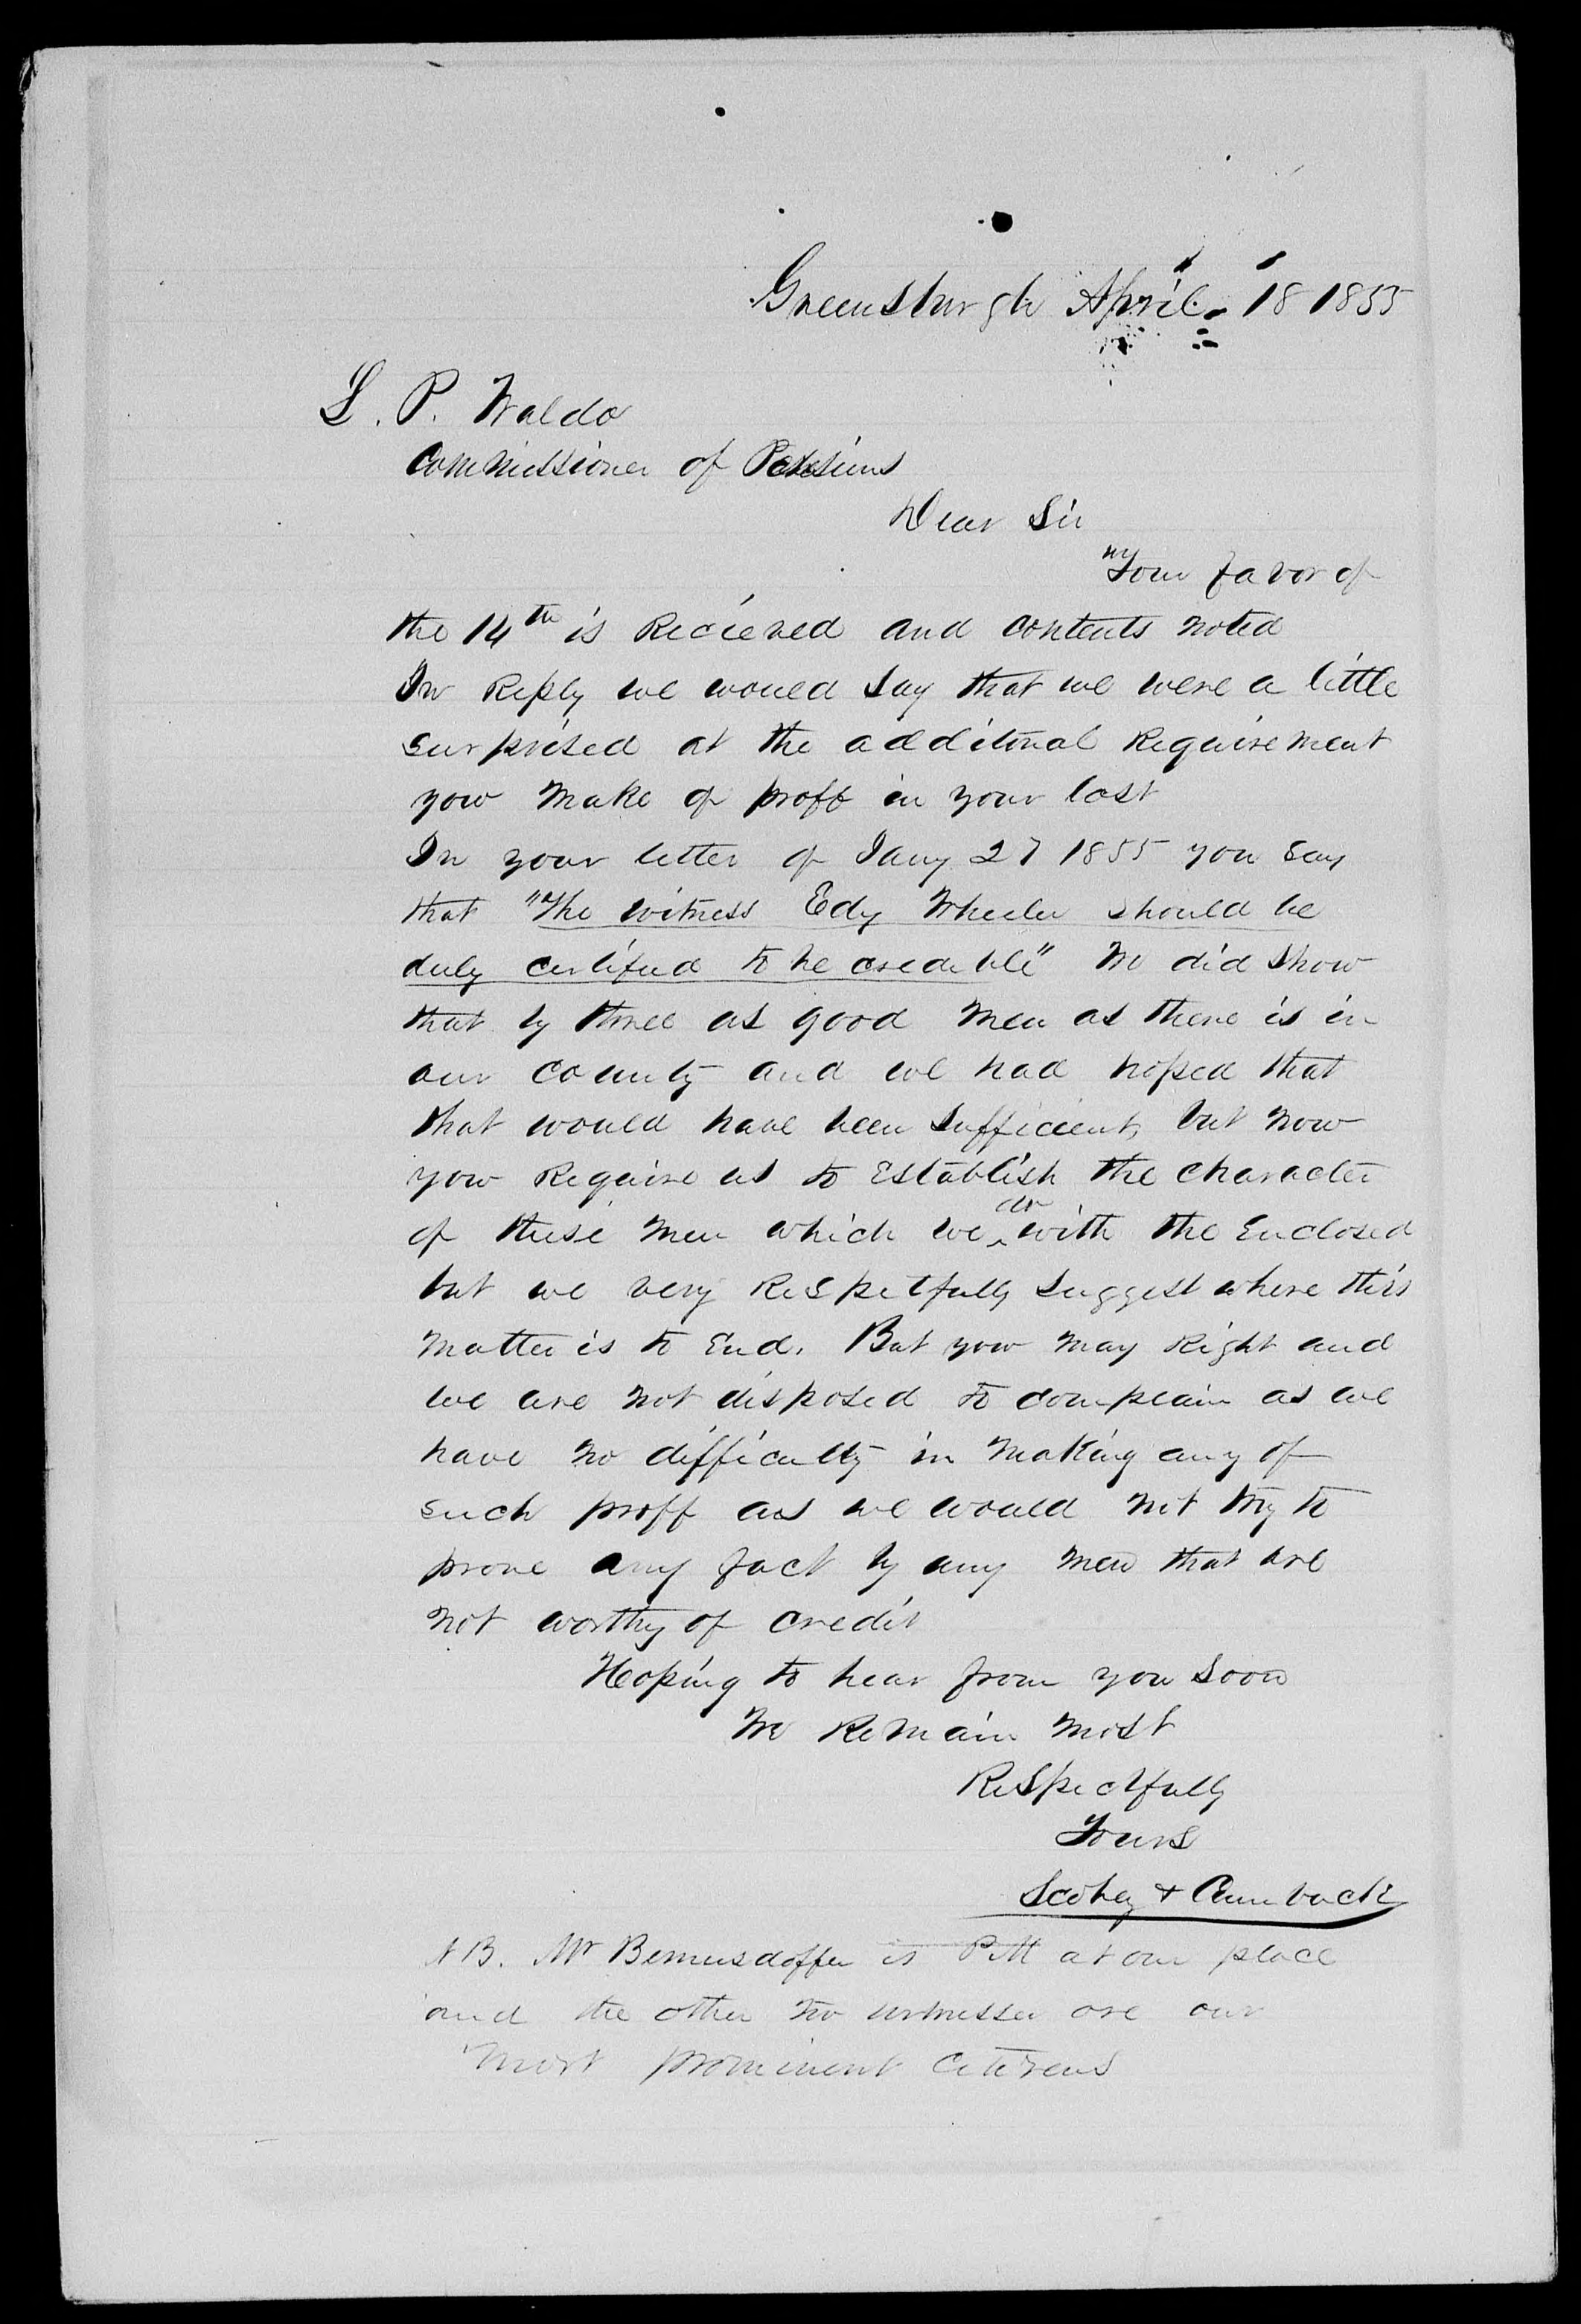Greensburgh April 18 1855
L. P. Waldo
Commissioner of Pensions
Der Sir
Your favor of the 14th is Recieved [Received] and contents noted 

In Reply we would Say that we were a little surprised at the additional Requirement you make of proff [proof or proffer] in your lost

In your letter of Jany [January] 27 1855 you say that "The witness Edy Wheeler should be duly certified to be credible" [all in quotes are underlined] We did show that by three as good men as there is in our county and we had hoped that that would have been sufficient, but now you Require us to establish the character of these men which we do with the Enclosed but we very Respectfully suggest where this matter is to End. But you may right and we are not disposed to complain as we have no difficulty in making any of such proff as we would not any to prove any fact by any man that are not worth of creit
Hoping to hear from you Soon
We remain most
Respectfully Yours
Scobey & Crumback

A.B. Mr Bemusdoffer is PM at our place and the other two winesses are our Most prominent citizens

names: Cumback, Edy Wheeler, Bemusdoffer, Scobey, L P Waldo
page: 30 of 39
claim: widow's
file: W. 11060, Benjamin Gosnell, Va.